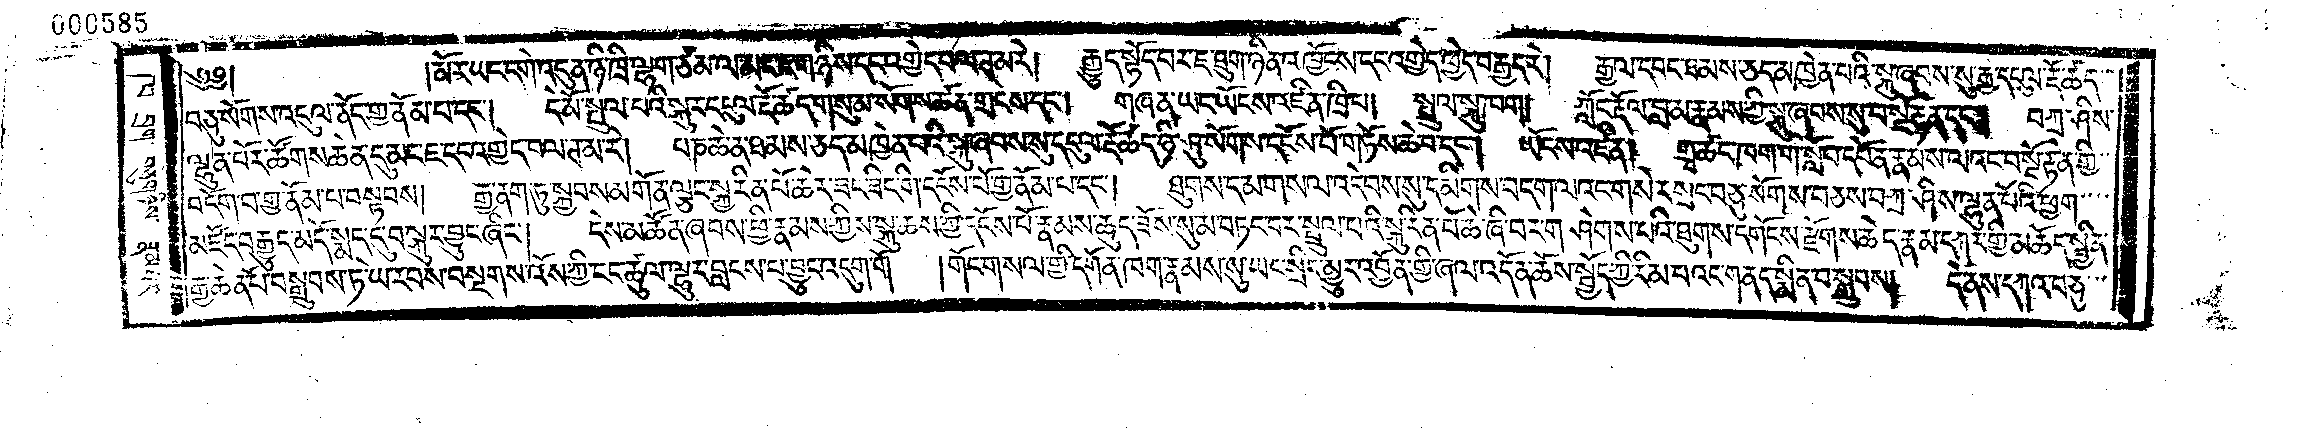༄༅། །མོར་ཡང་དགེ་འདུན་ཉི་ཁྲི་ལྷག་ཙམ་ལ་མང་ཇ་གཉིས་དང་འགྱེད་བལ་ཊ་མ་རེ། རྒྱུད་སྟོད་པར་ཇ་ཐུག་ཉིན་འཁྱོངས་དང་འགྱེད་ཕྱེད་བརྒྱད་རེ། རྒྱལ་དབང་ཐམས་ཅད་མཁྱེན་པའི་སྐུ་ཞབས་སུ་རྒྱ་དངུལ་རྡོ་ཚད་
བཅུ་སོགས་འབུལ་ནོད་གྱ་ནོམ་པ་དང་། དེ་མོ་སྤྲུལ་པའི་སྐུར་དངུལ་རྡོ་ཚད་གསུམ་སོགས་ཚན་གྲངས་དང་། གཞན་ཡང་ཡོངས་འཛིན་ཁྲི་པ། སྤྲུལ་སྐུ་ཁག། ཀློང་རྡོལ་བླ་མ་རྣམས་ཀྱི་སྐུ་ཞབས་སུ་བསྔོ་རྟེན་དང་། བཀྲ་ཤིས་
ལྷུན་པོར་ཚོགས་ཆེན་དུ་མང་ཇ་དང་འགྱེད་བལ་ཊམ་རེ། པཎ་ཆེན་ཐམས་ཅད་མཁྱེན་པའི་སྐུ་ཞབས་སུ་དངུལ་རྡོ་ཚད་ཉི་ཤུ་སོགས་དངོས་པོ་གཏོས་ཆེ་བ་དང་། ཡོངས་འཛིན། གྲྭ་ཚང་ཁག་གི་སློབ་དཔོན་རྣམས་ལའང་བསྔོ་རྟེན་གྱི་
བདོག་པ་གྱ་ནོམ་པ་བསྟབས། རྒྱ་ནག་ཏུ་སྐྱབས་མགོན་ལྕང་སྐྱ་རིན་པོ་ཆེར་ཟང་ཟིང་གི་དངོས་པོ་གྱ་ནོམ་པ་དང་། ཐུགས་དམ་གསལ་འདེབས་སུ་དམིགས་བདག་ལའང་གསེར་སྲང་བཅུ་སོགས་བཅས་བཀྲ་ཤིས་ལྷུན་པོའི་ཕྱག་
མཛོད་བརྒྱུད་མདོ་སྨད་དུ་བསྐུར་བྱུང་ཞིང་། དེས་མཚོན་ཞབས་ཕྱི་རྣམས་ཀྱིས་སྐུ་ཆས་ཀྱི་དངོས་པོ་རྣམས་ཆུད་ཟོས་སུ་མ་བཏང་བར་སྤྲུལ་པའི་སྐུ་རིན་པོ་ཆེ་ཞི་བར་གཤེགས་པའི་ཐུགས་དགོངས་རྫོགས་ཆེད་རྣམ་དཀར་གྱི་མཆོད་སྦྱིན་
རྒྱ་ཆེན་པོ་བསྒྲུབས་ཏེ་ཡ་རབས་བསྔགས་འོས་ཀྱི་ངང་ཚུལ་ལྷུར་བླངས་པ་བྱུང་འདུག་གོ །གོང་གསལ་གྱི་དགོན་ཁག་རྣམས་སུ་ཡང་སྲིད་མྱུར་འབྱོན་གྱི་ཞལ་འདོན་ཆོས་སྤྱོད་ཀྱི་རིམ་བའང་གནད་སྨིན་བསྒྲུབས། དེ་ནས་དཀའ་བཅུ་